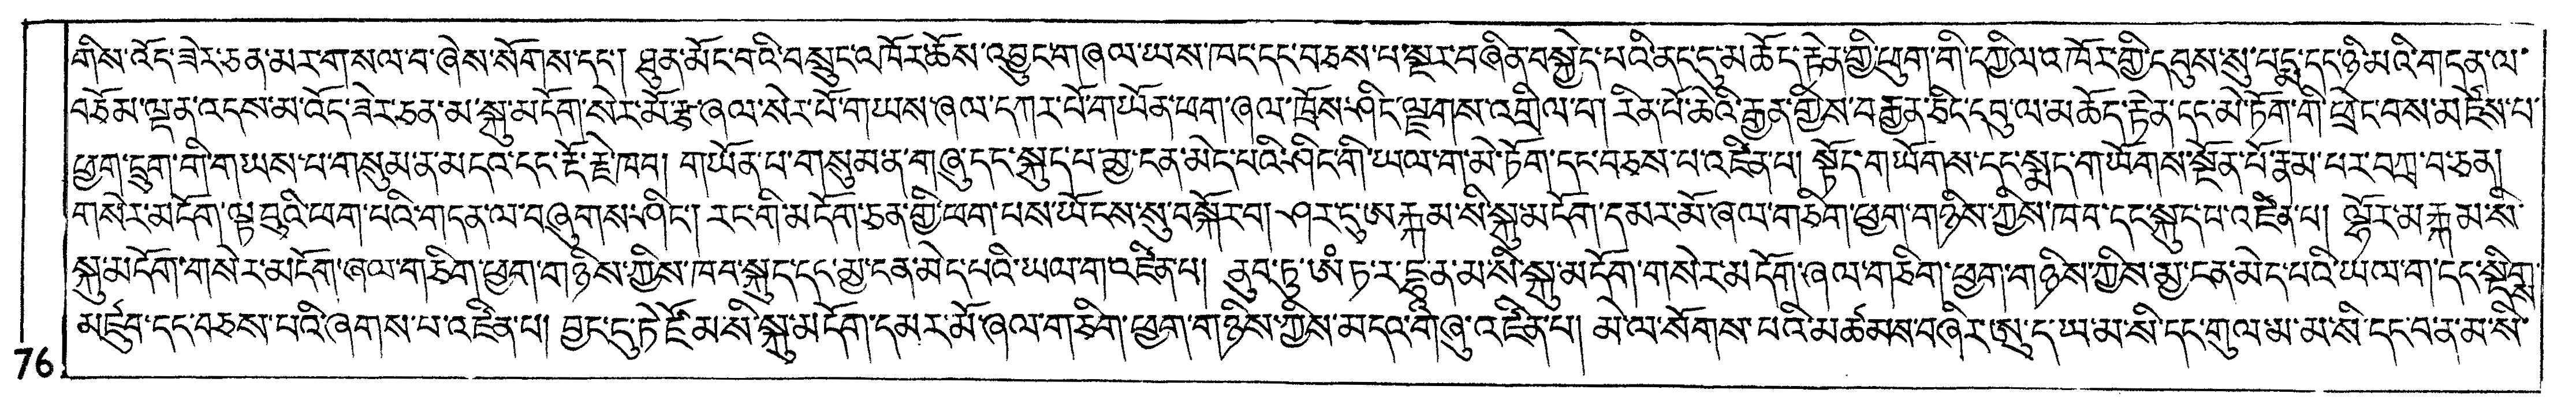གིས་འོད་ཟེར་ཅན་མར་གསལ་བ་ཞེས་སོགས་དང་། ཐུན་མོང་བའི་བསྲུང་འཁོར་ཆོས་འབྱུང་གཞལ་ཡས་ཁང་དང་བཅས་པ་སྔར་བཞིན་བསྐྱེད་པའི་ནང་དུ་མཆོད་རྟེན་གྱི་ཕུག་གི་དཀྱིལ་འཁོར་གྱི་དབུས་སུ་པདམ་དང་ཉི་མའི་གདན་ལ་
བཅོམ་ལྡན་འདས་མ་འོད་ཟེར་ཅན་མ་སྐུ་མདོག་སེར་མོ་རྩ་ཞལ་སེར་པོ་གཡས་ཞལ་དཀར་པོ་གཡོན་ཕག་ཞལ་ཁྲོས་ཤིང་ལྗགས་འགྲིལ་བ། རིན་པོ་ཆེའི་རྒྱན་གྱིས་བརྒྱན་ཅིང་དབུ་ལ་མཆོད་རྟེན་དང་མེ་ཏོག་གི་ཕྲེང་བས་མཛེས་པ་
ཕྱག་དྲུག་གི་གཡས་པ་གསུམ་ན་མདའ་དང་རྡོ་རྗེ་ཁབ། གཡོན་པ་གསུམ་ན་གཞུ་དང་སྐུད་པ་མྱ་ངན་མེད་པའི་ཤིང་གི་ཡལ་ག་མེ་ཏོག་དང་བཅས་པ་འཛིན་པ། སྟོད་གཡོགས་དང་སྨད་གཡོགས་སྔོན་པོ་རྣམ་པར་བཀྲ་བ་ཅན།
གསེར་མདོག་ལྟ་བུའི་ཕག་པའི་གདན་ལ་བཞུགས་ཤིང་། རང་གི་མདོག་ཅན་གྱི་ཕག་པས་ཡོངས་སུ་བསྐོར་བ། ཤར་དུ་ཨརྐྐམ་སི་སྐུ་མདོག་དམར་མོ་ཞལ་གཅིག་ཕྱག་གཉིས་ཀྱིས་ཁབ་དང་སྐུད་པ་འཛིན་པ། ལྷོར་མརྐྐམ་སི་
སྐུ་མདོག་གསེར་མདོག་ཞལ་གཅིག་ཕྱག་གཉིས་ཀྱིས་ཁབ་སྐུད་དང་མྱ་ངན་མེད་པའི་ཡལ་ག་འཛིན་པ། ནུབ་ཏུ་ཨཾ་ཏ་ར་དྷཱ་ན་མ་སི་སྐུ་མདོག་གསེར་མདོག་ཞལ་གཅིག་ཕྱག་གཉིས་ཀྱིས་མྱ་ངན་མེད་པའི་ཡལ་ག་དང་སྡིགས་
མཛུབ་དང་བཅས་པའི་ཞགས་པ་འཛིན་པ། བྱང་དུ་ཏེ་ཛོམ་སི་སྐུ་མདོག་དམར་མོ་ཞལ་གཅིག་ཕྱག་གཉིས་ཀྱིས་མདའ་གི་ཞུ་འཛིན་པ། མེ་ལ་སོགས་པའི་མཚམས་བཞིར་ཨུ་ད་ཡ་མ་སི་དང་གུལ་མ་མ་སི་དང་བ་ན་མ་སི་